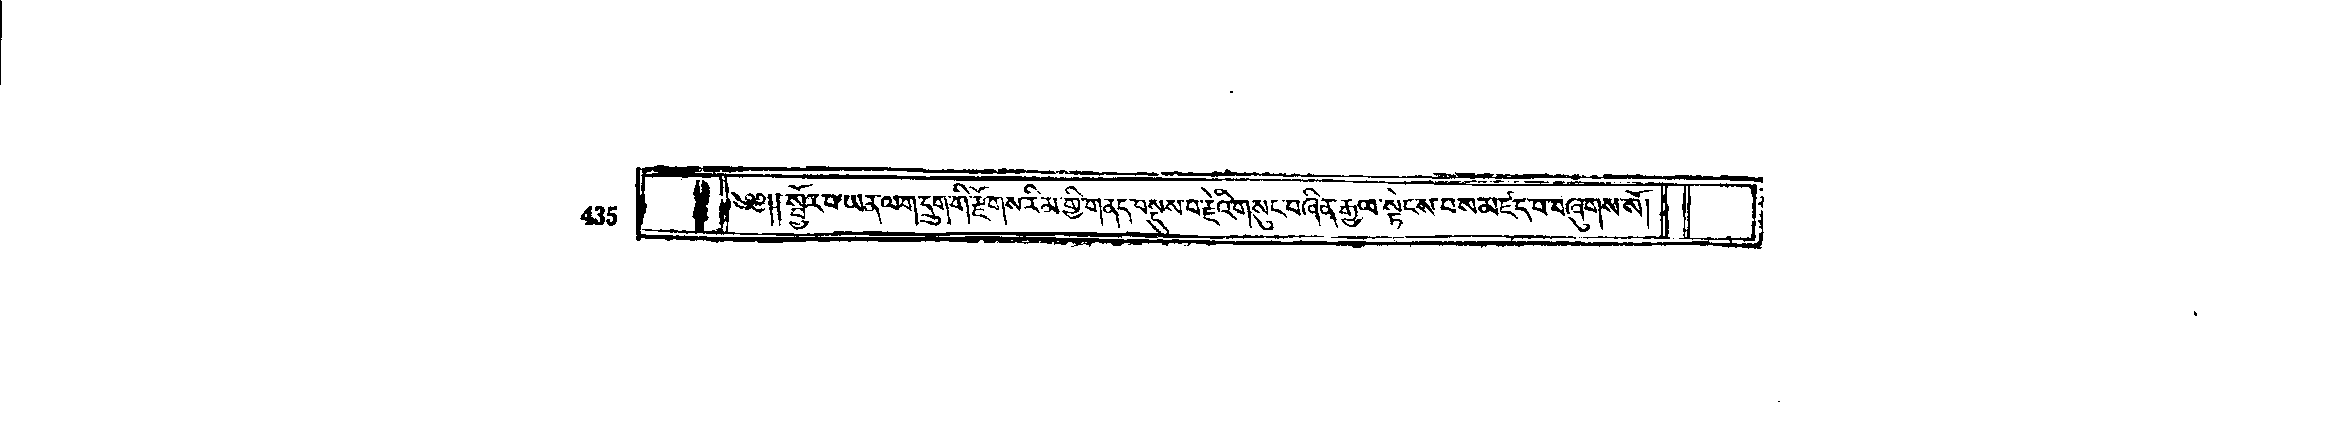༄༅། །སྦྱོར་བ་ཡན་ལག་དྲུག་གི་རྫོགས་རིམ་གྱི་གནད་བསྡུས་པ་རྗེའི་གསུང་བཞིན་རྒྱལ་སྟེངས་པས་མཛད་པ་བཞུགས་སོ། །